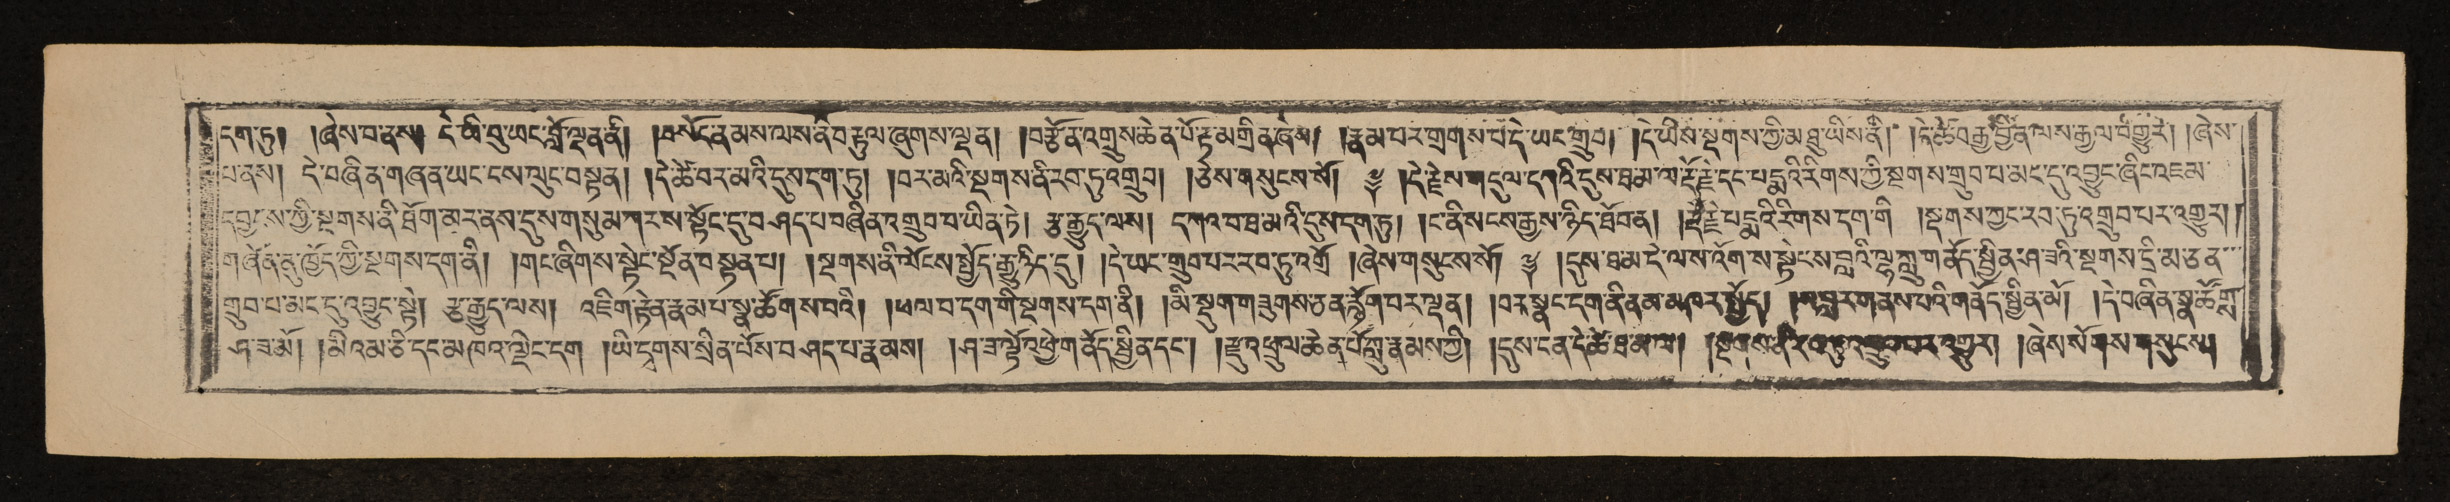དག་ཏུ། །ཞེས་པ་ནས། དེ་ཡི་བུ་ཡང་བློ་ལྡན་ནི། །བསོད་ནམས་ལས་ནི་བརྟུལ་ཞུགས་ལྡན། །བརྩོན་འགྲུས་ཆེན་པོ་རྟ་མགྲིན་ཞེས། །རྣམ་པར་གྲགས་པ་དེ་ཡང་གྲུབ། །དེ་ཡིས་སྔགས་ཀྱི་མཐུ་ཡིས་ནི། །དེ་ཚེ་བརྒྱ་བྱིན་ལས་རྒྱལ་འགྱུར། །ཞེས་
པ་ནས། དེ་བཞིན་གཞན་ཡང་ངས་ལུང་བསྟན། །དེ་ཚེ་བར་མའི་དུས་དག་ཏུ། །བར་མའི་སྔགས་ནི་རབ་ཏུ་འགྲུབ། །ཅེས་གསུངས་སོ། ༈ །དེ་རྗེས་གདུལ་དཀའི་དུས་ཐ་མ་ལ་རྡོ་རྗེ་དང་པདམའི་རིགས་ཀྱི་སྔགས་གྲུབ་པ་མང་དུ་འབྱུང་ཞིང་འཇམ་
དབྱངས་ཀྱི་སྔགས་ནི་ཐོག་མར་ནས་དུས་གསུམ་ཀར་ས་སྟེང་དུ་བཤད་པ་བཞིན་འགྲུབ་པ་ཡིན་ཏེ། རྩ་རྒྱུད་ལས། དཀའ་བ་ཐ་མའི་དུས་དག་ཏུ། །ང་ནི་སངས་རྒྱས་ཉིད་ཐོབ་ན། །རྡོ་རྗེ་པདམའི་རིགས་དག་གི །སྔགས་ཀྱང་རབ་ཏུ་འགྲུབ་པར་འགྱུར།།
གཞོན་ནུ་ཁྱོད་ཀྱི་སྔགས་དག་ནི། །གང་ཞིག་ས་སྟེང་སྔོན་བསྟན་པ། །སྔགས་ནི་ལོངས་སྤྱོད་རྒྱུ་ཉིད་དུ། །དེ་ཡང་གྲུབ་པར་རབ་ཏུ་འགྲོ་།ཞེས་གསུངས་སོ། ༈ །དུས་ཐ་མ་དེ་ལ་ས་འོག་ས་སྟེངས་བླའི་ལྷ་ཀླུ་གནོད་སྦྱིན་ཤ་ཟའི་སྔགས་དྲི་མ་ཅན་
གྲུབ་པ་མང་དུ་འབྱུང་སྟེ། རྩ་རྒྱུད་ལས། འཇིག་རྟེན་རྣམ་པ་སྣ་ཚོགས་པའི། །ཕལ་བ་དག་གི་སྔགས་དག་ནི། །མི་སྡུག་གཟུགས་ཅན་རྙོག་པར་ལྡན། །བར་སྣང་དག་ནི་ནམ་མཁར་སྤྱོད། །ས་བླར་གནས་པའི་གནོད་སྦྱིན་མོ། །དེ་བཞིན་སྣ་ཚོགས་
ཤ་ཟ་མོ། །མི་འམ་ཅི་དང་མཁའ་ལྡིང་དག །ཡི་དྭགས་སྲིན་པོས་བཤད་པ་རྣམས། །ཤ་ཟ་ལྟོ་འཕྱེ་གནོད་སྦྱིན་དང་། །རྫུ་འཕྲུལ་ཆེན་པོ་ཀླུ་རྣམས་ཀྱི། །དུས་ངན་དེ་ཚེ་ཐ་མ་ལ། །སྔགས་ནི་རབ་ཏུ་འགྲུབ་པར་འགྱུར། །ཞེས་སོགས་གསུངས།